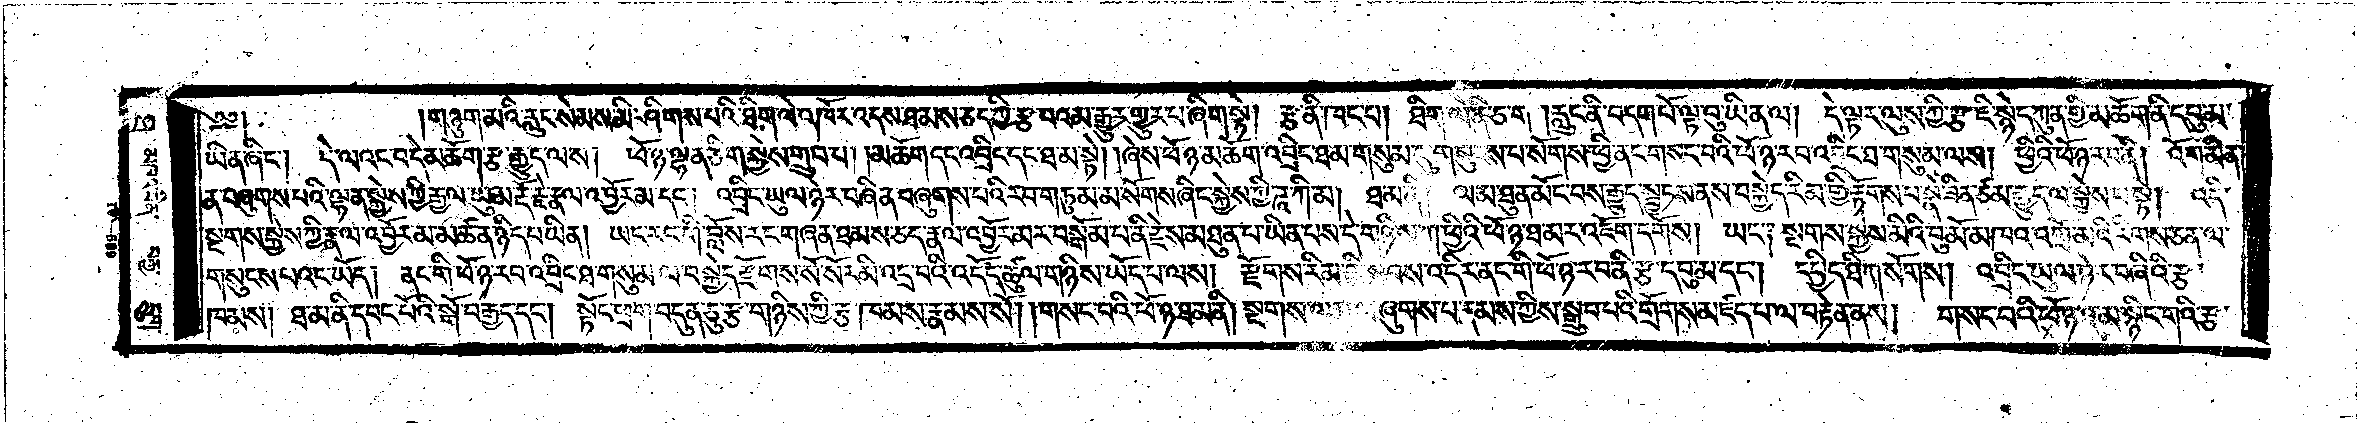༄༅། །གཉུག་མའི་རླུང་སེམས་མི་ཤིགས་པའི་ཐིག་ལེ་འཁོར་འདས་ཐམས་ཅད་ཀྱི་རྩ་བའམ་རྒྱུར་གྱུར་པ་ཞིག་སྟེ། རྩ་ནི་ཁང་པ། ཐིག་ལེ་ནི་ཅ་ག །རླུང་ནི་བདག་པོ་ལྟ་བུ་ཡིན་ལ། དེ་ལྟར་ལུས་ཀྱི་རྩ་ཇི་སྙེད་ཀུན་གྱི་མཆོག་ནི་དབུ་མ་
ཡིན་ཞིང་། དེ་ལའང་བདེ་མཆོག་རྩ་རྒྱུད་ལས། ཕོ་ཉ་ལྷན་ཅིག་སྐྱེས་གྲུབ་པ། །མཆོག་དང་འབྲིང་དང་ཐ་མ་སྟེ། །ཞེས་ཕོ་ཉ་མཆོག་འབྲིང་ཐ་མ་གསུམ་དུ་གསུངས་པ་སོགས་ཕྱི་ནང་གསང་བའི་ཕོ་ཉ་རབ་འབྲིང་ཐ་གསུམ་ལས། ཕྱིའི་ཕོ་ཉ་རབ་ནི། འོག་མིན་
ན་བཞུགས་པའི་ལྷན་སྐྱེས་ཀྱི་རྒྱལ་ཡུམ་རྡོ་རྗེ་རྣལ་འབྱོར་མ་དང་། འབྲིང་ཡུལ་ཉེར་བཞིན་བཞུགས་པའི་རབ་གཏུམ་མ་སོགས་ཞིང་སྐྱེས་ཀྱི་ཌཱ་ཀི་མ། ཐ་མ་ནི། ལམ་ཐུན་མོང་པས་རྒྱུད་སྦྱངས་ནས་བསྐྱེད་རིམ་གྱི་རྟོགས་པ་སྣེ་ཟིན་ཙམ་རྒྱུད་ལ་སྐྱེས་པ་སྟེ། འདི་
སྔགས་སྐྱེས་ཀྱི་རྣལ་འབྱོར་མ་མཚན་ཉིད་པ་ཡིན། ཡང་རང་གི་བློས་རང་གཞན་ཐམས་ཅད་རྣལ་འབྱོར་མར་བསྒོམ་པ་ནི་རྗེས་མཐུན་པ་ཡིན་པས་དེ་གཉིས་ཀ་ཕྱིའི་ཕོ་ཉ་ཐ་མར་འཇོག་དགོས། ཡང༑ སྔགས་སྐྱེས་མིའི་བུ་མོ་མཁའ་འགྲོ་མའི་རིགས་ཅན་ལ་
གསུངས་པའང་ཡོད། ནང་གི་ཕོ་ཉ་རབ་འབྲིང་ཐ་གསུམ་ལ་བསྐྱེད་རྫོགས་སོ་སོར་མི་འདྲ་བའི་འདོད་ཚུལ་གཉིས་ཡོད་པ་ལས། རྫོགས་རིམ་གྱི་སྐབས་འདིར་ནང་གི་ཕོ་ཉ་བར་ནི་རྩ་དབུ་མ་དང་། དཔྱིད་ཐིག་སོགས། འབྲིང་ཡུལ་ཉེར་བཞིའི་རྩ་
ཁམས། ཐ་མ་ནི་དབང་པོའི་སྒོ་བརྒྱད་དང་། སྟོང་ཕྲག་བདུན་ཅུ་རྩ་གཉིས་ཀྱི་རྩ་ཁམས་རྣམས་སོ། །གསང་བའི་ཕོ་ཉ་ཐ་མ་ནི། སྔགས་ལམ་ལ་ཞུགས་པ་རྣམས་ཀྱིས་སྒྲུབ་པའི་གྲོགས་མཛད་པ་ལ་བརྟེན་ནས། གསང་བའི་ཕོ྾་ཉ་ཐ་མ་སྙིང་གའི་རྩ་